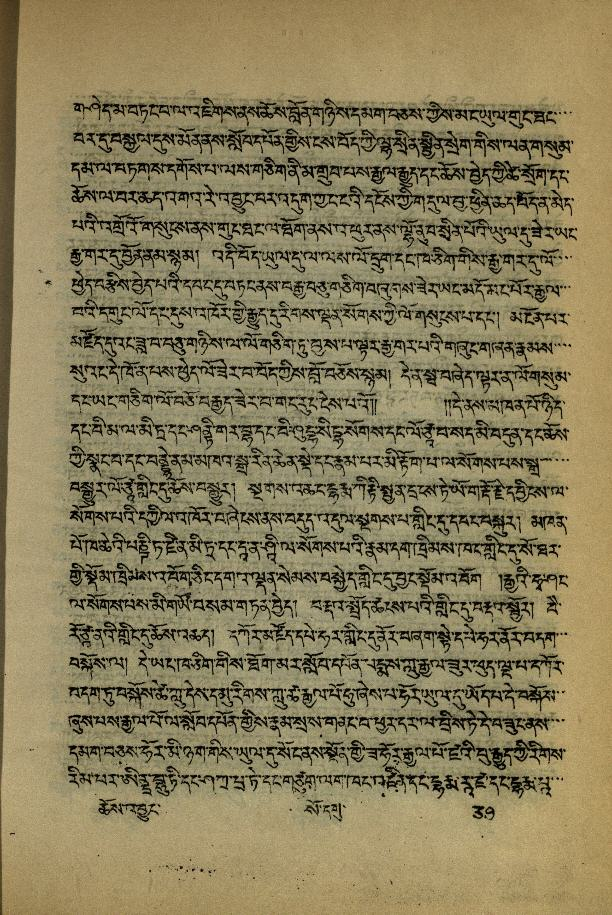གཤེད་མ་བཏང་བ་ལ་འཇིགས་ནས་ཆོས་བློན་གཉིས་དམག་བཅས་ཀྱིས་མང་ཡུལ་གུང་ཐང་
བར་དུ་བསྐྱལ་དུས་མོན་ནས་སློབ་དཔོན་གྱིས་ངས་བོད་ཀྱི་ལྷ་སྲིན་སྦྱིན་སྲེག་གིས་ལན་གསུམ་
དམ་ལ་བཏགས་དགོས་པ་ལས་གཅིག་ནི་མ་གྲུབ་པས་རྒྱལ་རྒྱུད་དང་ཆོས་བྱེད་ཀྱི་ཚེ་སྲོག་དང་
ཆོས་ལ་བར་ཆད་འགའ་རེ་འབྱུང་བར་འདུག་ཀྱང་ངའི་དངོས་ཀྱི་གདུལ་བྱ་ཕྱིན་ཆད་བྱོན་ན་མེད་
པའི་འགྲོའི་གསུངས་ནས་གུང་ཐང་ལ་ཐོག་ནས་འཕུར་ནས་ལྷོ་ནུབ་སྲིན་པོའི་ཡུལ་དུ་ཟེར་ཡང་
རྒྱ་གར་དུ་བྱོན་ནམ་སྙམ། འདི་བོད་ཡུལ་དུ་ལ་ལས་ལོ་དྲུག་དང་ཁ་ཅིག་གིས་རྒྱ་གར་དུ་ལོ་
ཕྱེད་བརྩིས་བྱེད་པའི་དབང་དུ་བཏང་ནས་བརྒྱ་བཅུ་གཅིག་བཞུགས་ཟེར་ཡང་མདོ་མང་པོར་རྒྱལ་
བའི་དགུང་ལོ་དང་དུས་འཁོར་གྱི་རྒྱུད་དུ་རིགས་ལྡན་སོགས་ཀྱི་ལོ་གསུངས་པ་དང་། མངོན་པར་
མཛོད་དུའང་ཟླ་བ་བཅུ་གཉིས་ལ་ལོ་གཅིག་ཏུ་བྱས་པ་ལྟར་རྒྱ་གར་པའི་གཞུང་གཞན་རྣམས་
སུའང་དེ་ཁོ་ན་པས་ཕྱེད་ལོ་ཟེར་བ་བོད་ཀྱིས་བློ་བཅོས་སྙམ། དེ་ནས་སྦ་བཞེད་ལྟར་ན་ལོ་གསུམ་
དང་ཡང་གཅིག་ལོ་བཅོ་བརྒྱད་ཟེར་བ་གང་རུང་ངེས་པའོ།། །།དེ་ནས་མཁན་པོ་ཉིད་
དང་བི་མ་ལ་མི་ཏྲ་དང་ཤནྟི་གར་བྷ་དང་བི་ཤུདྷ་སིདྡྷ་སོགས་དང་ལོ་ཙཱ་བ་སད་མི་བདུན་དང་ཆོས་
ཀྱི་སྣང་བ་དང་བནྡྷེ་ནམ་མཁའ་སྒྲ་རིན་ཆེན་སྡེ་དང་རྣམ་པར་མི་རྟོག་པ་ལ་སོགས་པས་སྒྲ་
བསྒྱུར་ལོ་ཙཱ་གླིང་དུ་ཆོས་བསྒྱུར། སྔགས་འཆང་དྷརྨ་ཀིརྟི་སྤྱན་དྲངས་ཏེ་ཡོ་ག་རྡོ་རྗེ་དབྱིངས་ལ་
སོགས་པའི་དཀྱིལ་འཁོར་བཞེངས་ནས་བདུད་འདུལ་སྔགས་པ་གླིང་དུ་དབང་བསྐུར། མཁན་
པོ་ཁ་ཆེའི་པཎྚི་ཏ་ཛི་ན་མི་ཏྲ་དང་དཱ་ན་ཤཱི་ལ་སོགས་པའི་རྣམ་དག་ཁྲིམས་ཁང་གླིང་དུ་སོ་ཐར་
གྱི་སྡོམ་ཁྲིམས་འཁོད་ཅིང་དགའ་ལྡན་སེམས་བསྐྱེད་གླིང་དུ་བྱང་སྡོམ་འབོག། །རྒྱའི་ཧྭ་ཤང་
ལ་སོགས་པས་མི་གཡོ་བསམ་གཏན་བྱེད། བརྡའ་སྤྲོད་ཚངས་པའི་གླིང་དུ་བརྡའ་སྦྱོར། བཻ་
རོ་ཙཱ་ནའི་གླིང་དུ་ཆོས་འཆད། དཀོར་མཛད་དཔེ་ཧར་གླིང་དུ་ནོར་བཞག་སྟེ་དཔེ་ཧར་ནོར་བདག་
བསྐོས་ལ། དེ་ཡང་ཁ་ཅིག་གིས་ཐོག་མར་སློབ་དཔོན་པདམས་ཀླུ་རྒྱལ་ཟུར་ཕུད་ལྔ་པ་དཀོར་
བདག་ཏུ་བསྐོས་ཚེ་ཀླུ་དེས་དམུ་རིགས་ཀླུ་ཚ་རྒྱལ་པོ་ཧུ་ཞེས་པ་ཧོར་ཡུལ་དུ་ཡོད་པ་དེ་བསྐོས་
ཞུས་པས་རྒྱལ་པོ་ལ་སློབ་དཔོན་གྱིས་རྣམ་སྲས་གནང་བ་ཕྱར་རང་ལ་བྲིས་ཏེ་དེ་བཟུང་ནས་
དམག་བཅས་ཧོར་མི་ཉག་གིས་ཡུལ་དུ་སོང་ནས་སྔོན་གྱི་ཟ་ཧོར་རྒྱལ་པོ་ཛའི་བུ་རྒྱུད་ཀྱི་རིགས་
རིམ་པར་ཨིནྡྲ་བྷུ་ཏི་དང་ཤཀྲ་པྲ་ཏེ་དང་གཙུག་ལག་ཁང་འཛིན་དང་དྷརྨ་རཱ་ཛ་དང་དྷརྨ་པཱ་